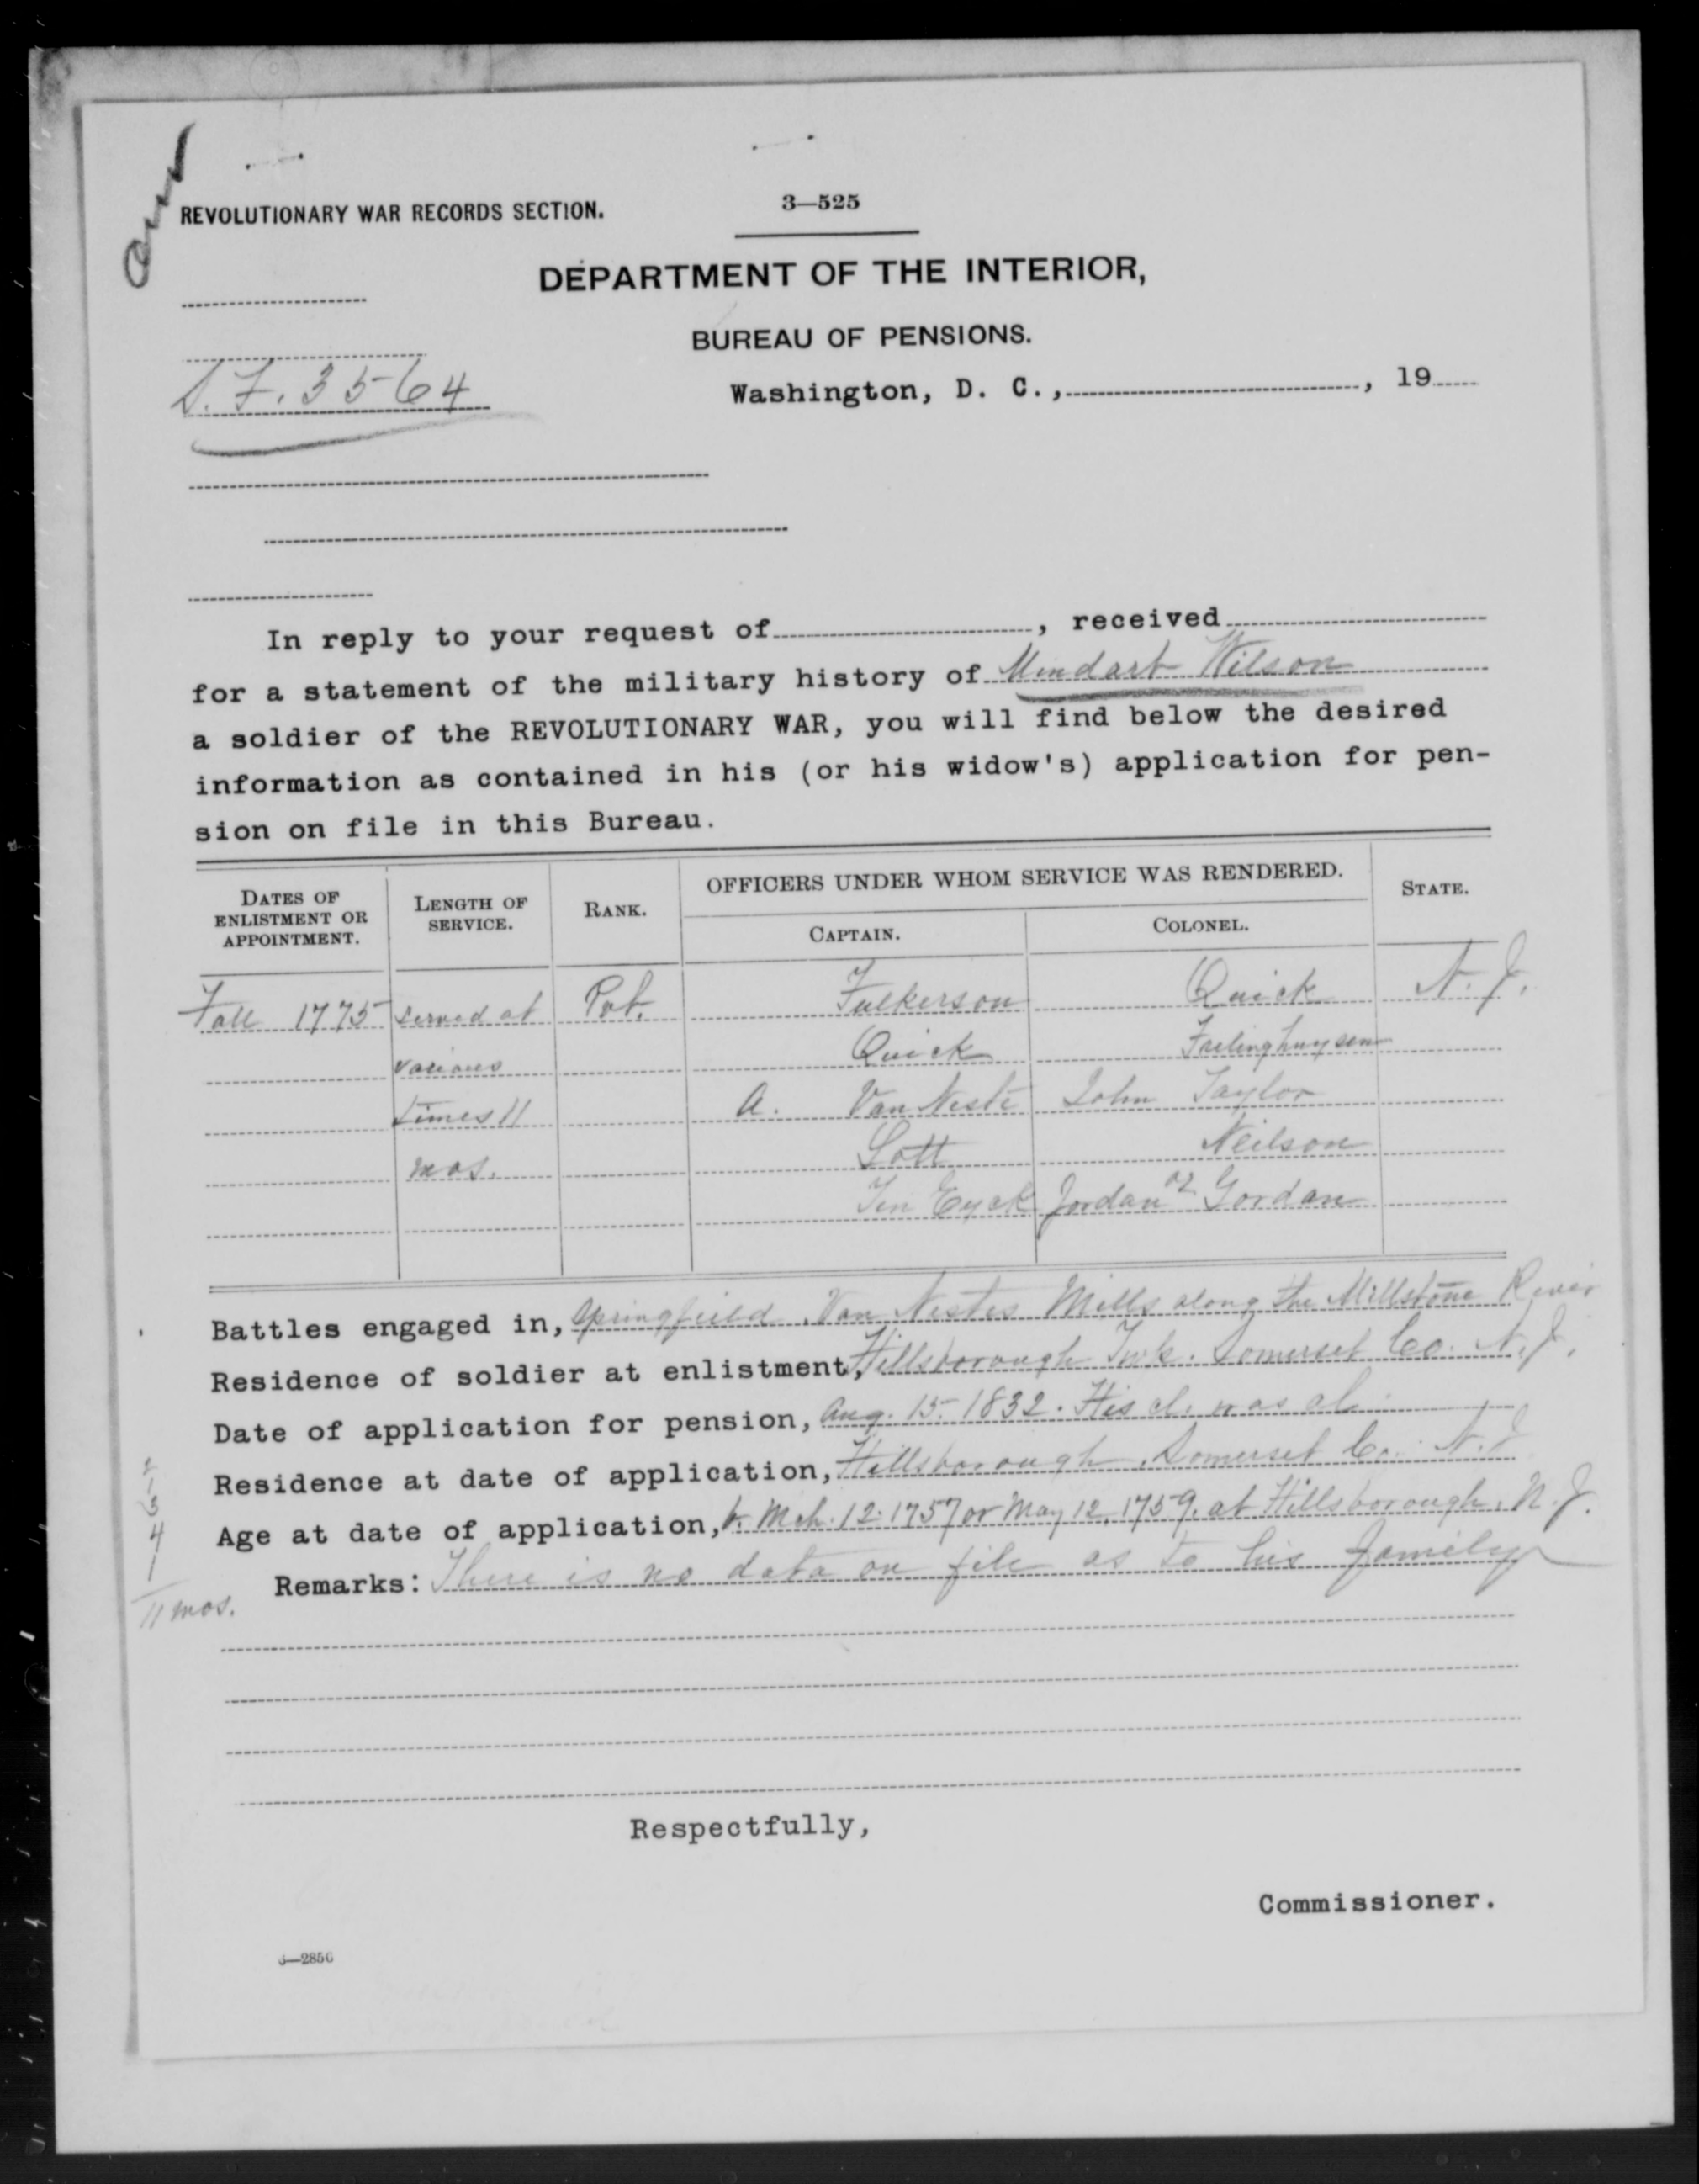REVOLUTIONARY WAR RECORDS SECTION.
S. F. 3564

3--525
DEPARTMENT OF THE INTERIOR,
BUREAU OF PENSIONS.
Washington, D. C., ___, 19__

In reply to your request of __, received __ for a statement of the military history of Mindart Wilson a soldier of the REVOLUTIONARY WAR, you will find below the desired information as contained in his (or his widow's) application for pension on file in this Bureau.

[Table, 6 columns]
DATES OF ENLISTMENT OR APPOINTMENT. |
LENGTH OF SERVICE. |
RANK. |
OFFICERS UNDER WHOM SERVICE WAS RENDERED.
CAPTAIN. | COLONEL. |
STATE.

Fall 1775 |
Served at various times 11 mos. |
Pct. |
Fulkerson | Quick | N.J.
||| Quick | Frelinghuysen
||| A. Van Neste | John Taylor
||| Lott | Neilson
||| Ten Eyck | Jordan or Gordan

[calculation in left margin: 2+1+3+4+1 = 11 mos.]

Battles engaged in, Springfield, Van Nestes Mills along the Millstone River
Residence of soldier at enlistment, Hillsborough Twp. Somerset Co. N.J.
Date of application for pension, Aug. 15 1832. His cl. was al. [claim was allowed]
Residence at date of application, Hillsborough, Somerset Co. N.J.
Age at date of application, b.Mch 12 1757 May 12, 1759, at Hillsborough, N.J.
Remarks: There is no data on file as to his family

Respectfully,
Commissioner.

3--2856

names: Quick, John Taylor, Gordan, Mindart Wilson, Frelinghuysen, Fulkerson, A Van Neste, Neilson, Jordan, Lott, Ten Eyck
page: 13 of 40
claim: survivor's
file: S. 3564, Mindart Wilson, New Jersey